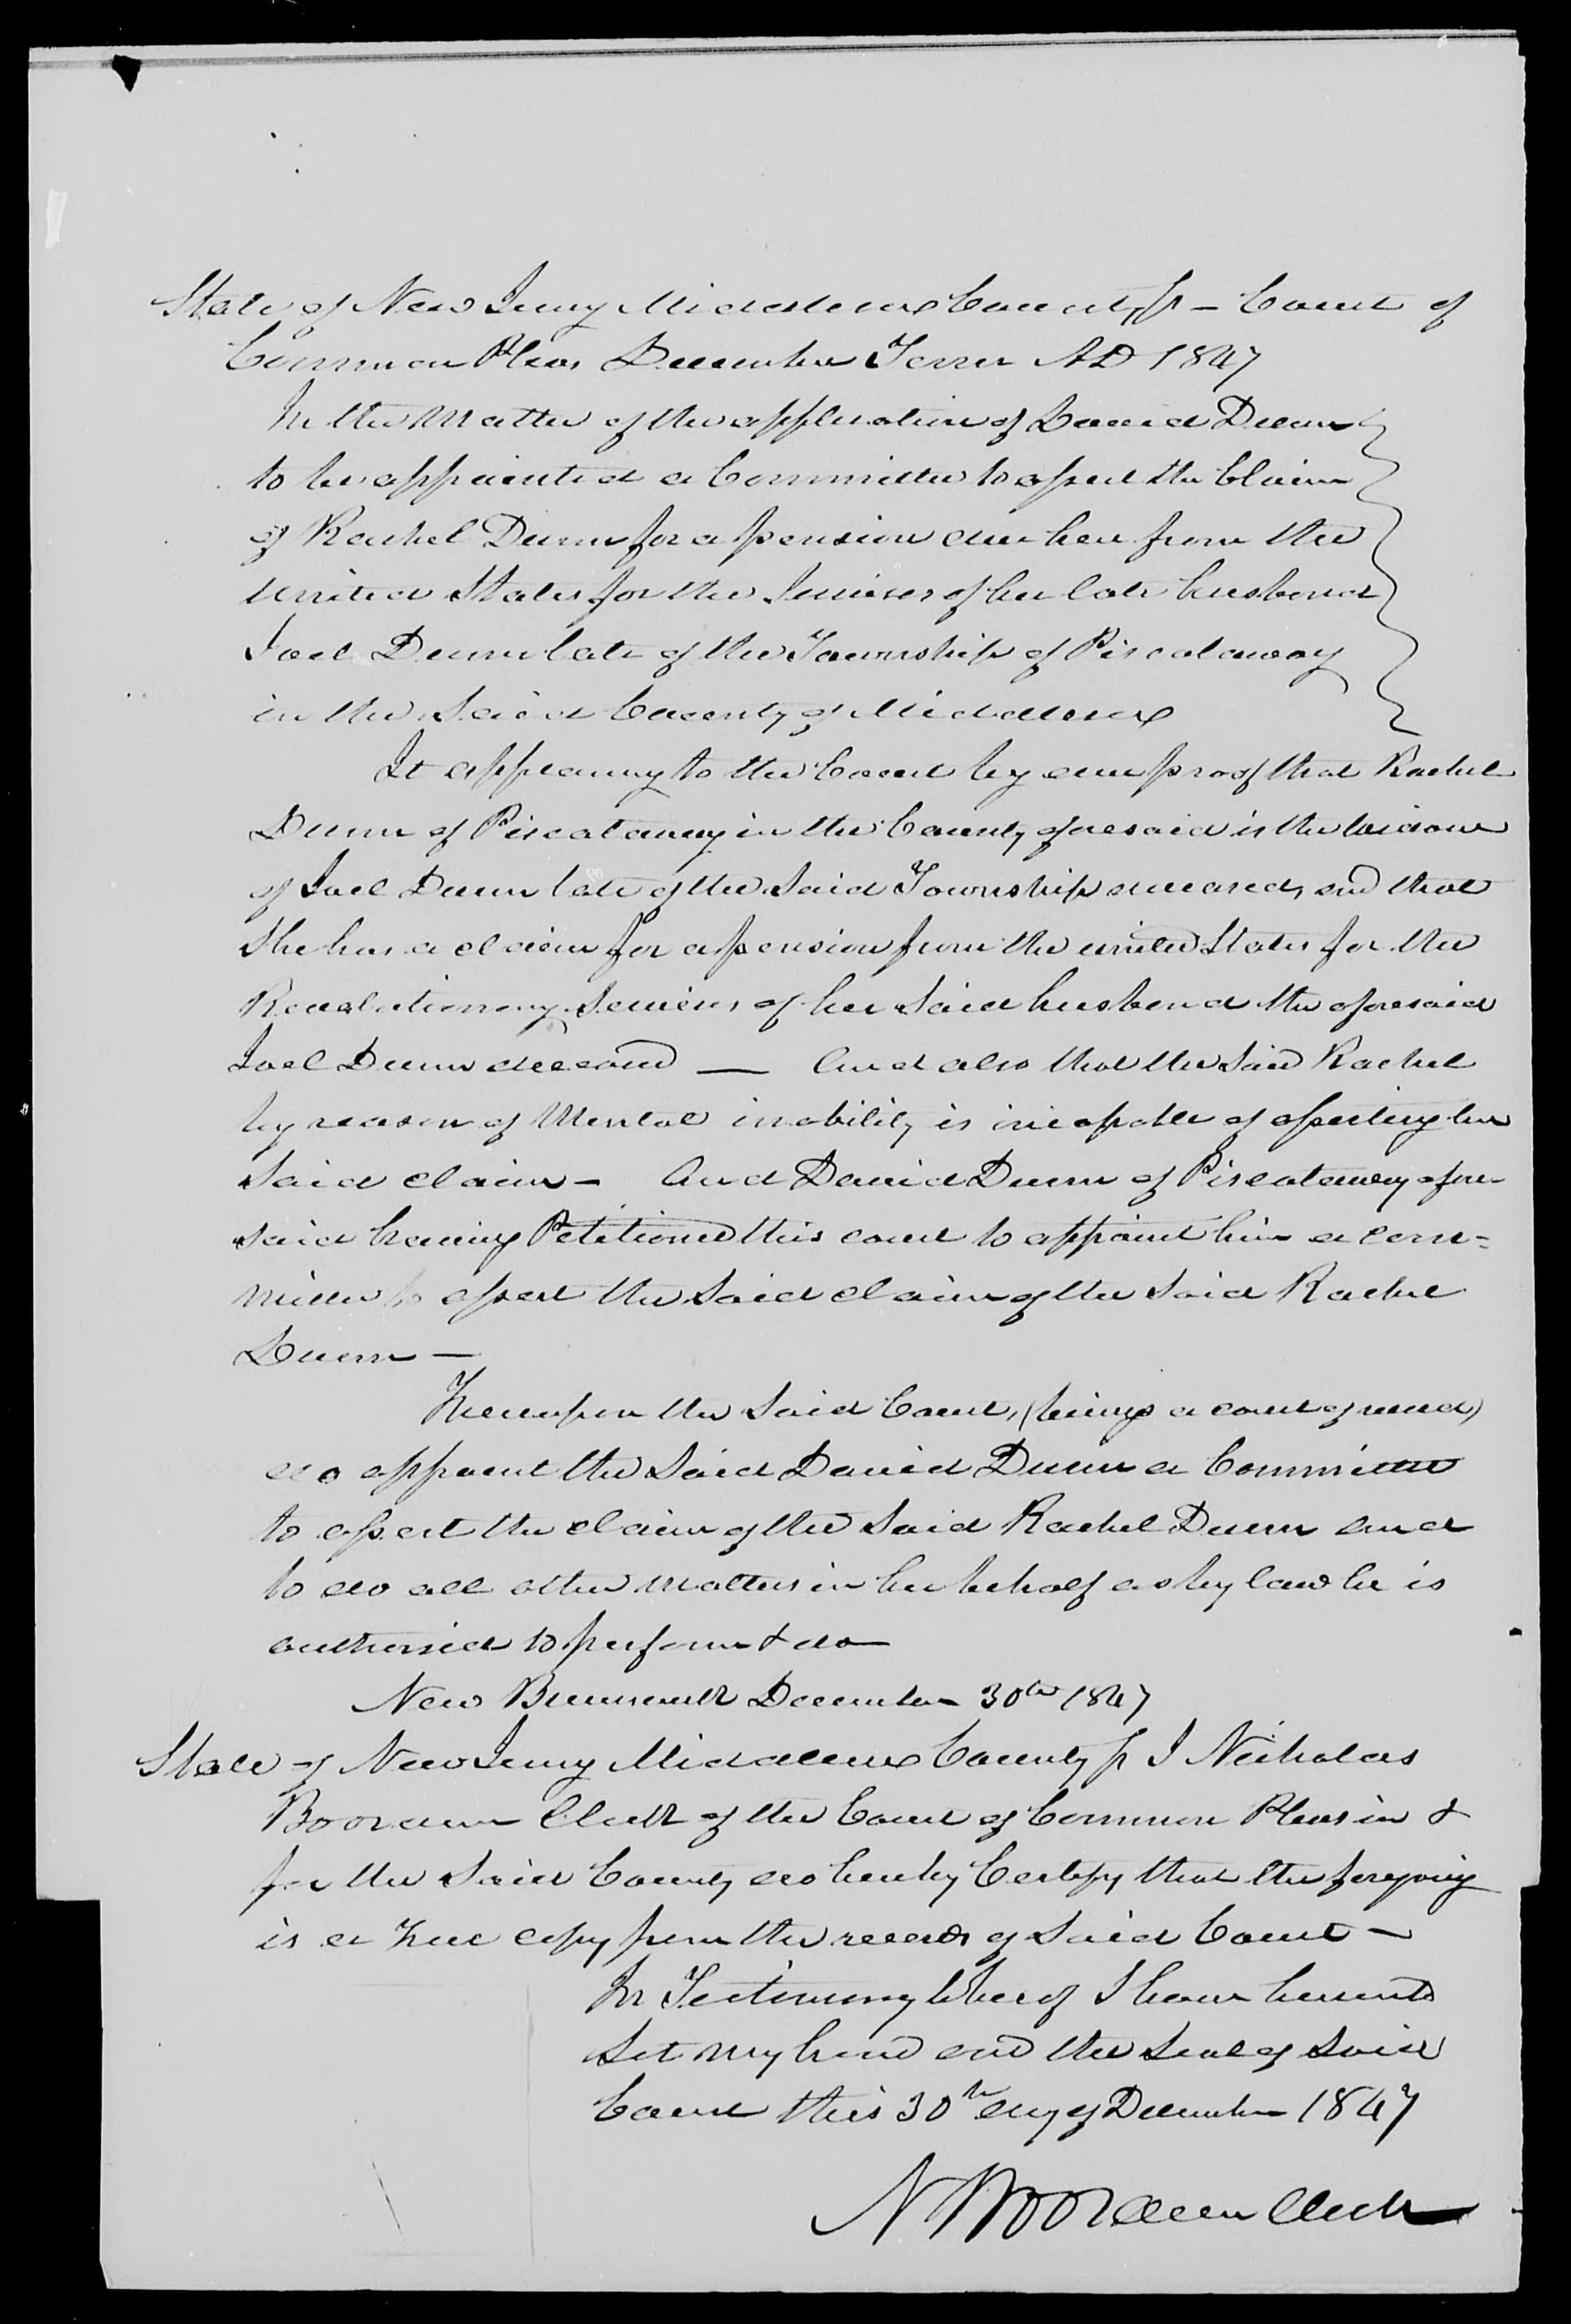State of New Jersey Middlesex County SS-  Court of Common Pleas December Term AD 1847
In the matter of the application of David Dunn
to be appointed a Committee to assert the claim
of Rachel Dunn for a pension due her from the
United States for the Services of her late husband Joel Dunn late of the Township of Piscataway in the said County of Middlesex

It appearing to the Court by due proof that Rachel Dunn of Piscataway in the County aforesaid is the widow of Joel Dunn late of the said Township deceased, and that She has a claim for a pension from the United States for the Revolutionary Services of her said husband the aforesaid Joel Dunn deceased-- And also that the said Rachel by reason of Mental inability is incapable of asserting the said claim, and David Dunn of Piscataway aforesaid having Petitioned this court to appoint him committee to assert the said claim of the said Rachel
Dunn -

Thereupon the said Court, (being a court of record) do appoint the said David Dunn a Committee to assert the claim of the said Rachel Dunn and to do all other matters in her behalf as by law he is authorized to perform & do

New Brunswick December 30th 1847
State of New Jersey Middlesex County SS 
I Nicholas Booraem Clerk of the Court of Common Pleas in & for the said County do hereby certify that the foregoing is a true copy from the records of said Court-

In Testimony whereof I have hereunto set my hand and the seal of said Court this 30th day of December 1847
N Booraem clerk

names: Joel Dunn, Rachel Dunn, Rachel Dunn, Rachel Dunn, N Booraem, David Dunn, Nicholas Booraem, Joel Dunn, Rachel Dunn, David Dunn, Rachel, Joel Dunn, David Dunn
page: 29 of 52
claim: widow's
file: W. 919, Joel Dunn, New Jersey